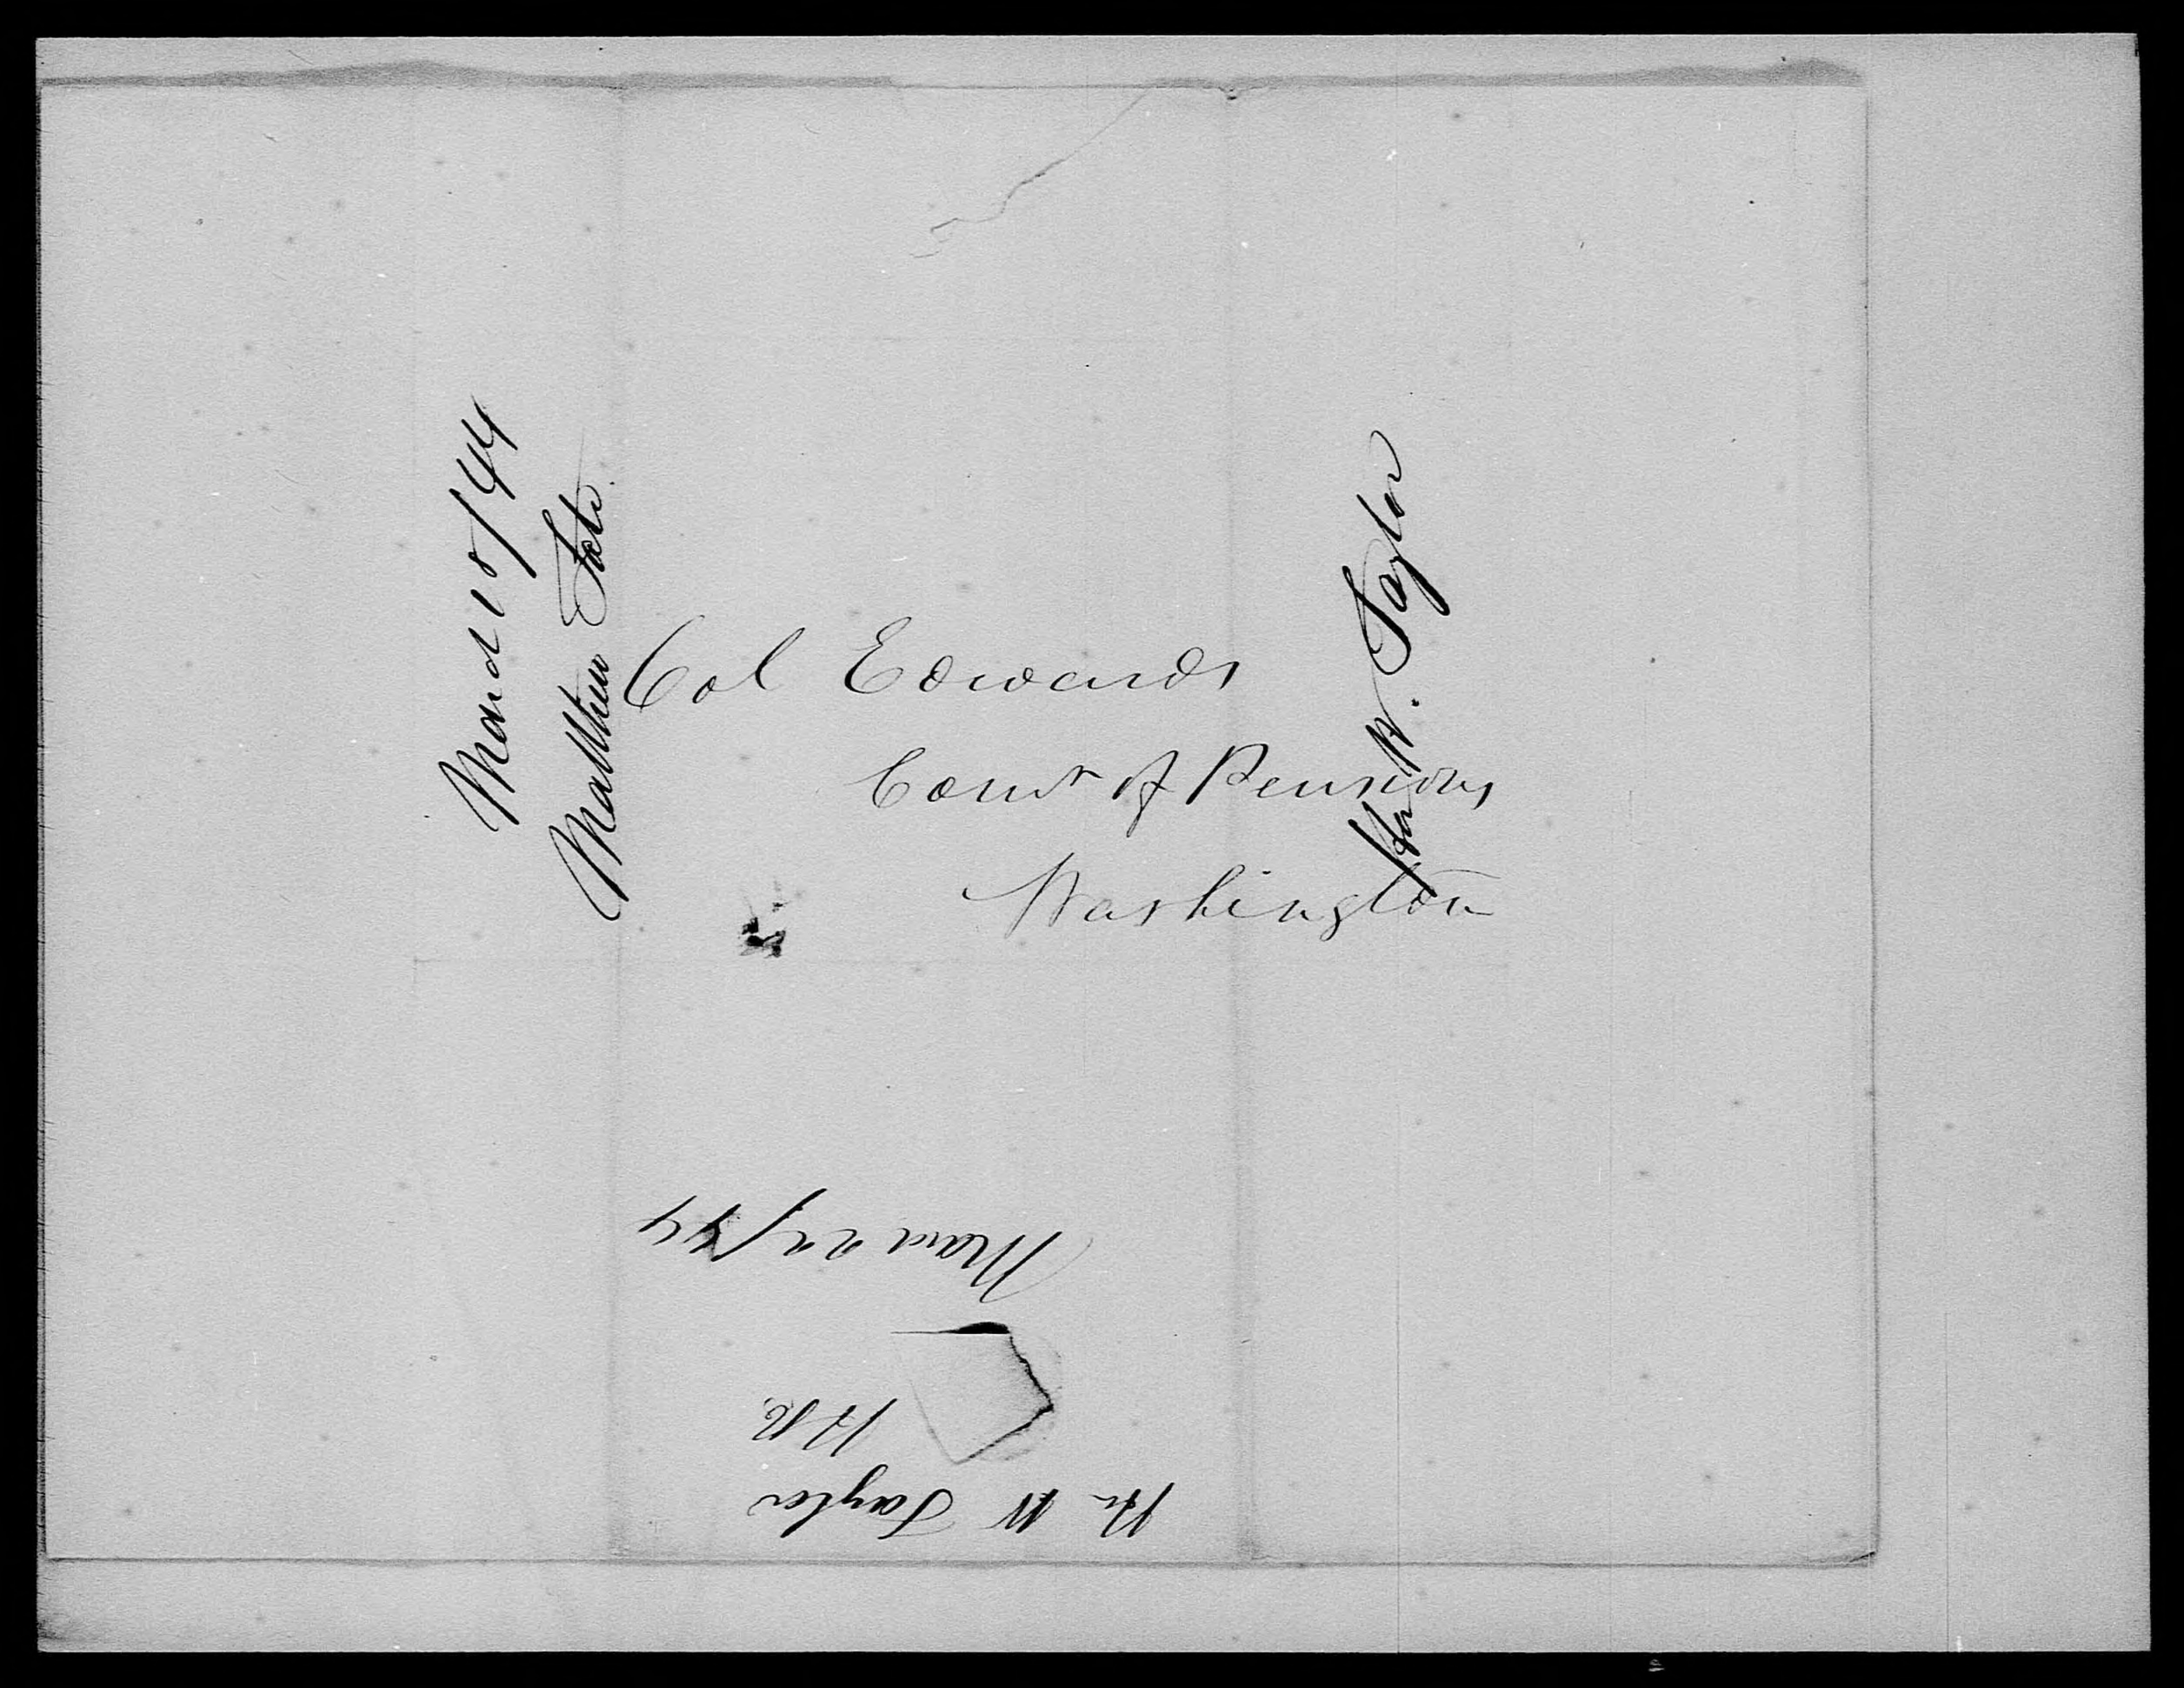March 18/44
Matthew Tate
Col. Edwards
Court of Pensions
Washington
Hon. W. Taylor
HN W. Taylor
HN
March 22/44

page: 7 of 18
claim: survivor's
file: S. 11,508, for Mathew Tate, Virginia